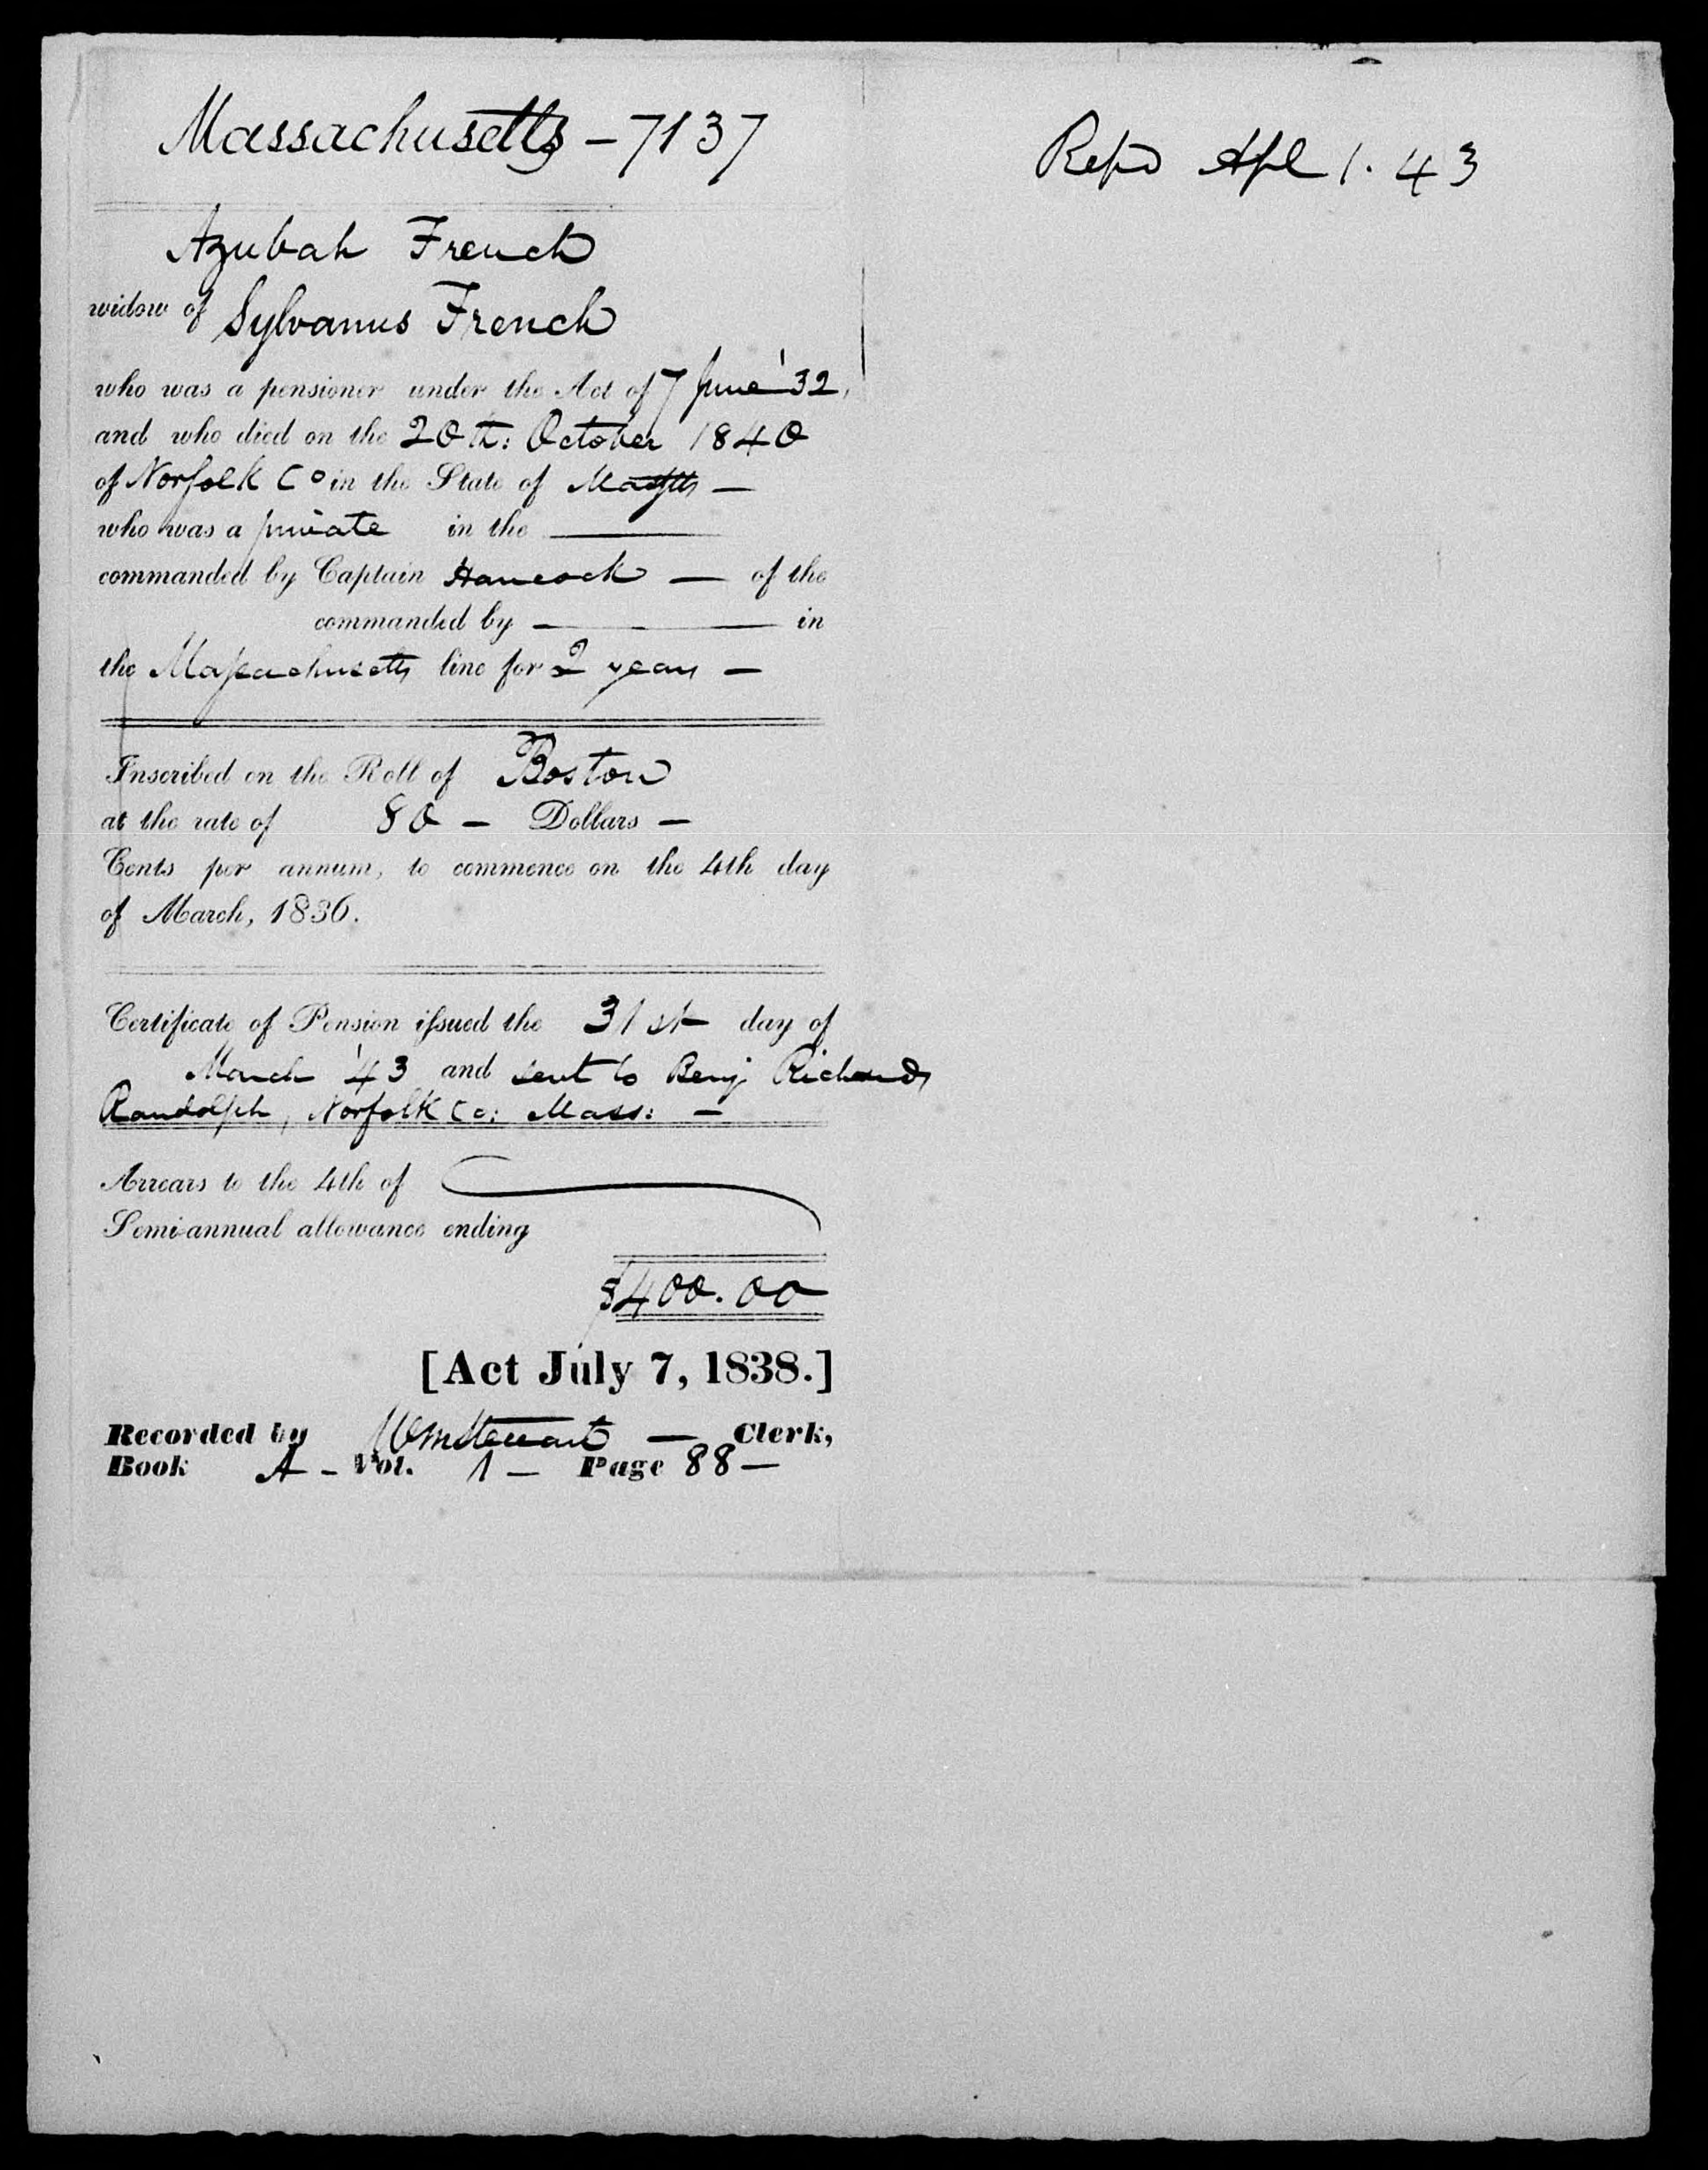Massachusetts - 7137
Azubah French widow of Sylvanus French who was a pensioner under the Act of 7 June '32, and who died on the 20th October 1840 of Norfolk Co in the State of Mass who was a private in the ___ commanded by Captain Hancock of the commanded by - --- --- in the Massachusetts line for 2 years- 

Inscribed on the Roll of Boston at the rate of 80 - Dollars- Cents per annum, to commence on the 4th day March, 1836. 

Certificate of Pension issued the 31st day of March '43 and sent to Benj Richards Randolph, Norfolk Co. Mass. 

Arrears to the 4th --- of 
Semi-annual allowance ending $400.00 -[ (Act July 7, 1838M]. 

Recorded by McIn-- tenant Clerk, -- 

Book A Vol. 1 Page 88 

Refd Apl 1.43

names: Wm Stewart, Azubah French, Benj Richards, Sylvanus French, Hancock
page: 26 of 38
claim: widow's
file: W. 24,235, Silvanus French, Mass.